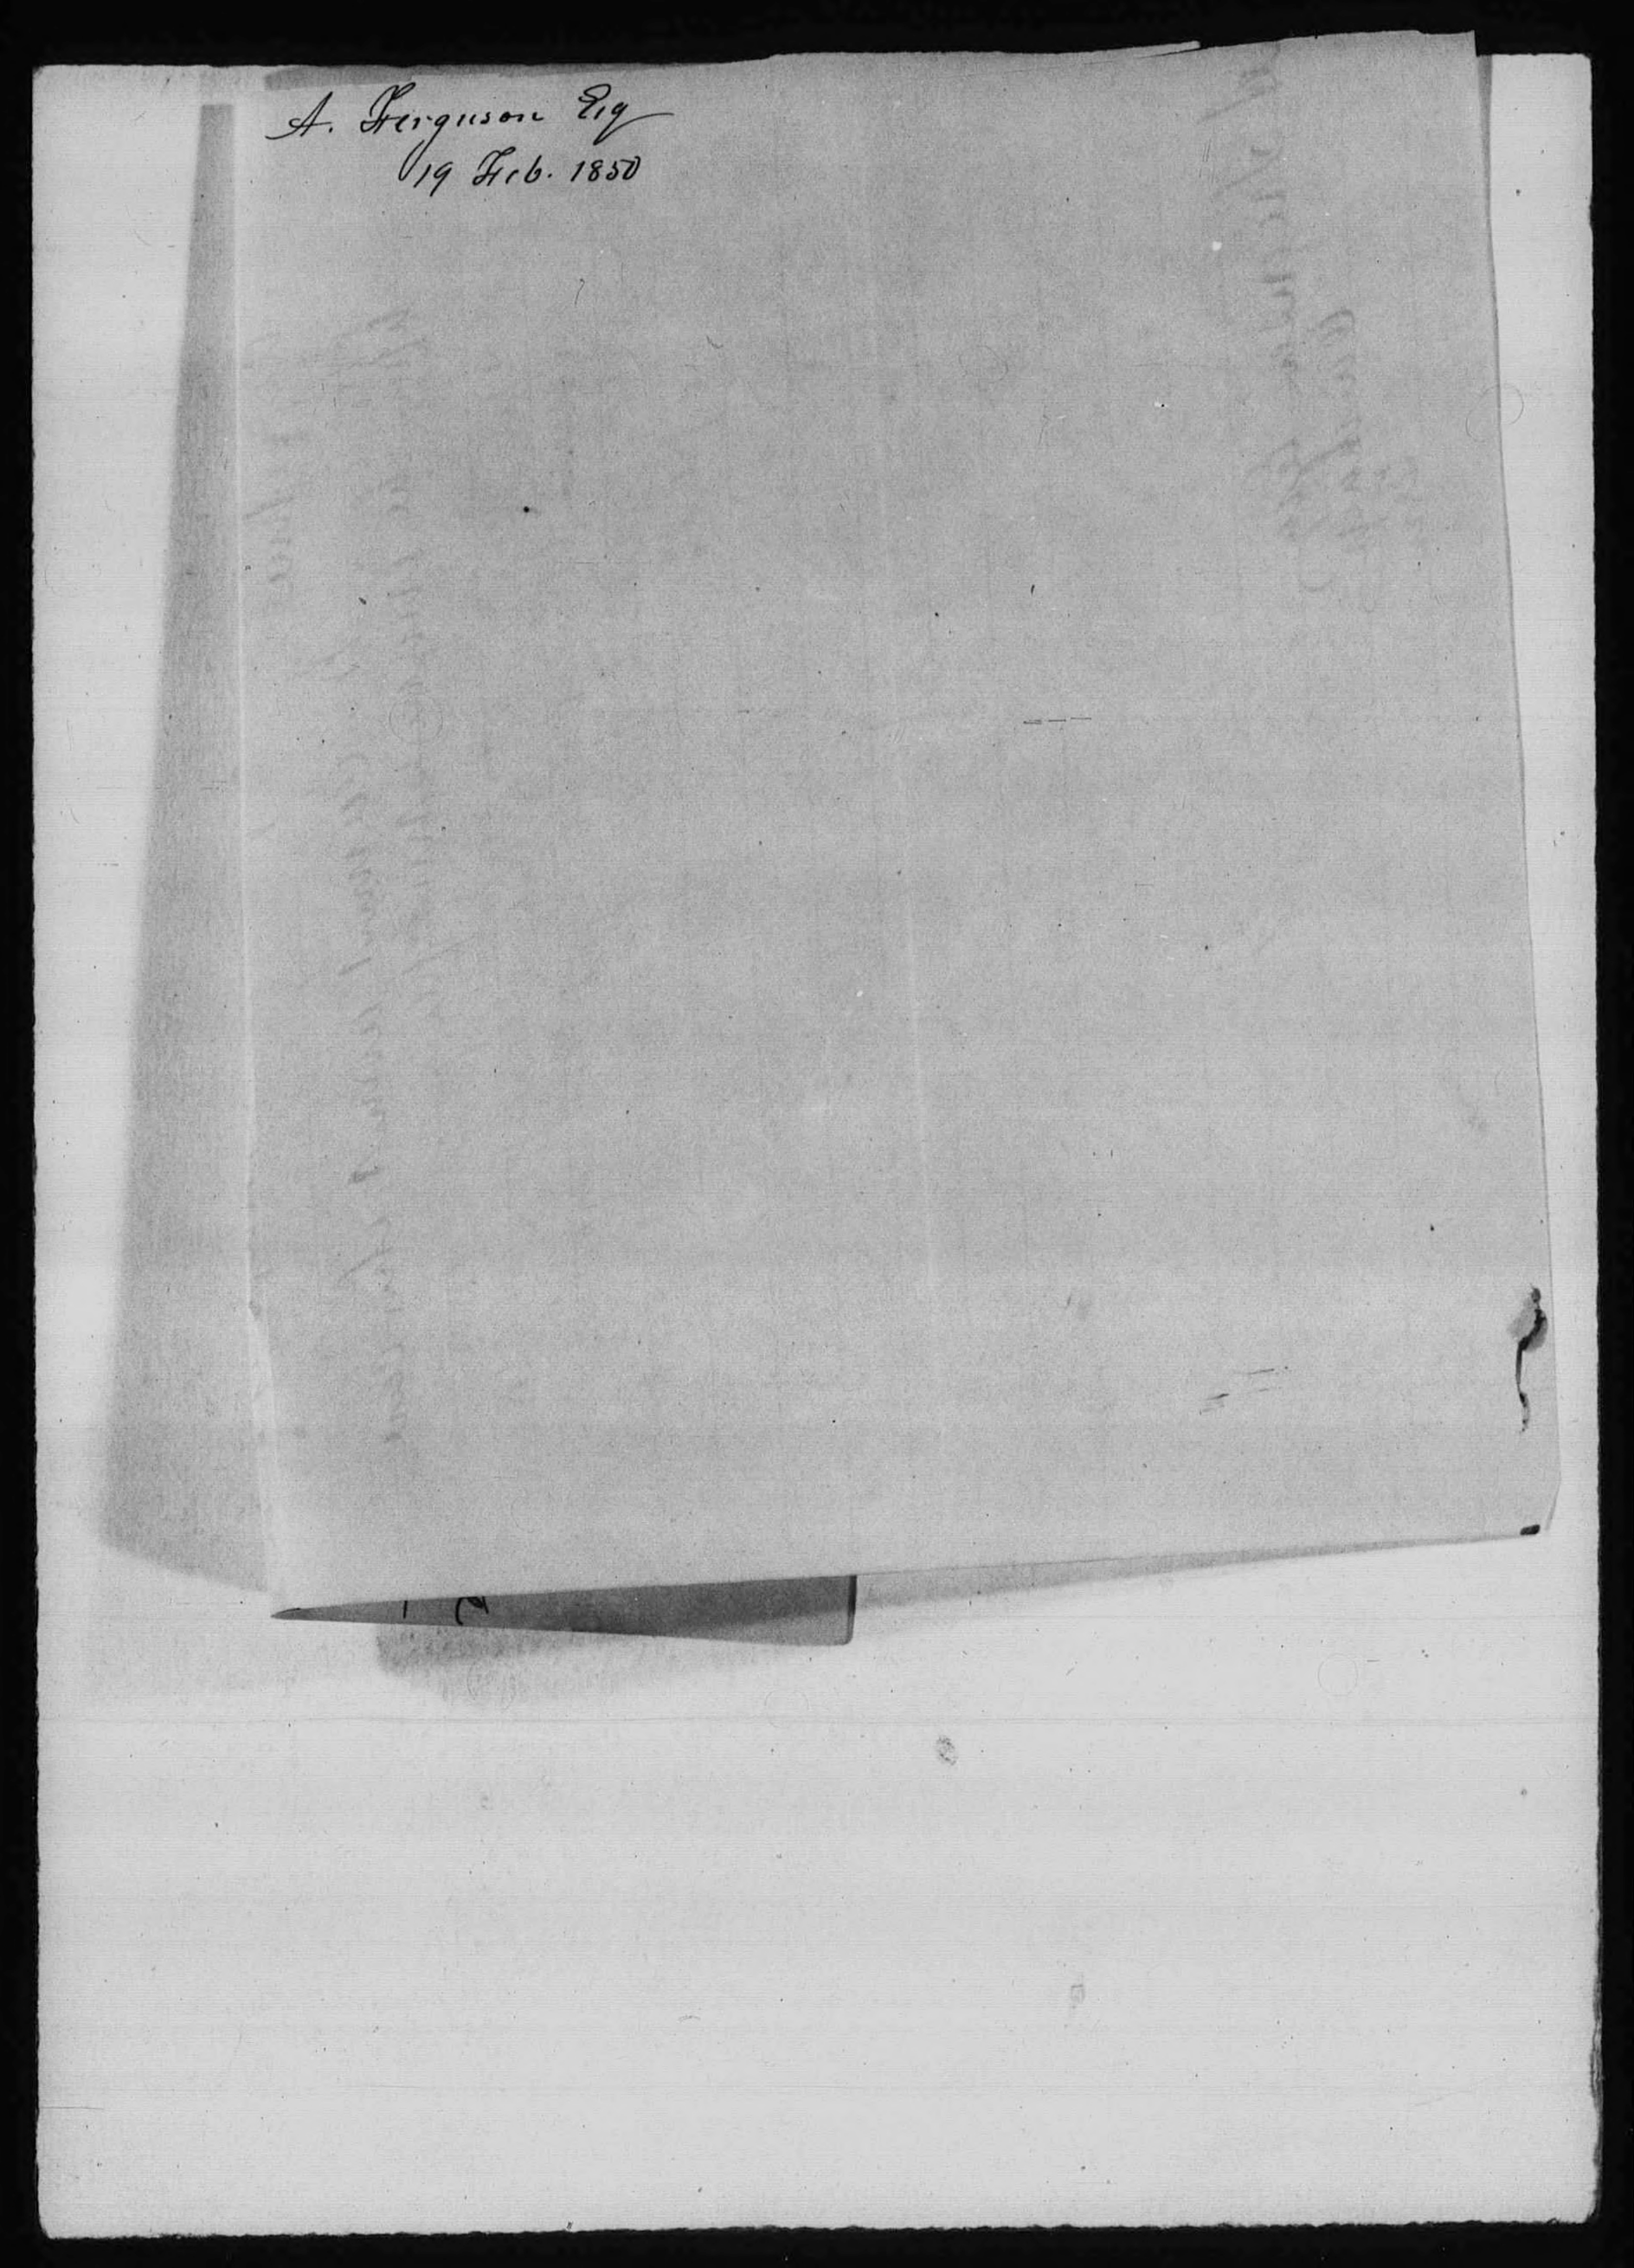A. Ferguson Esq
19 Feb. 1850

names: A Ferguson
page: 46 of 76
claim: widow's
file: W. 83, Albert Hendricks, Continental Md. N.C.